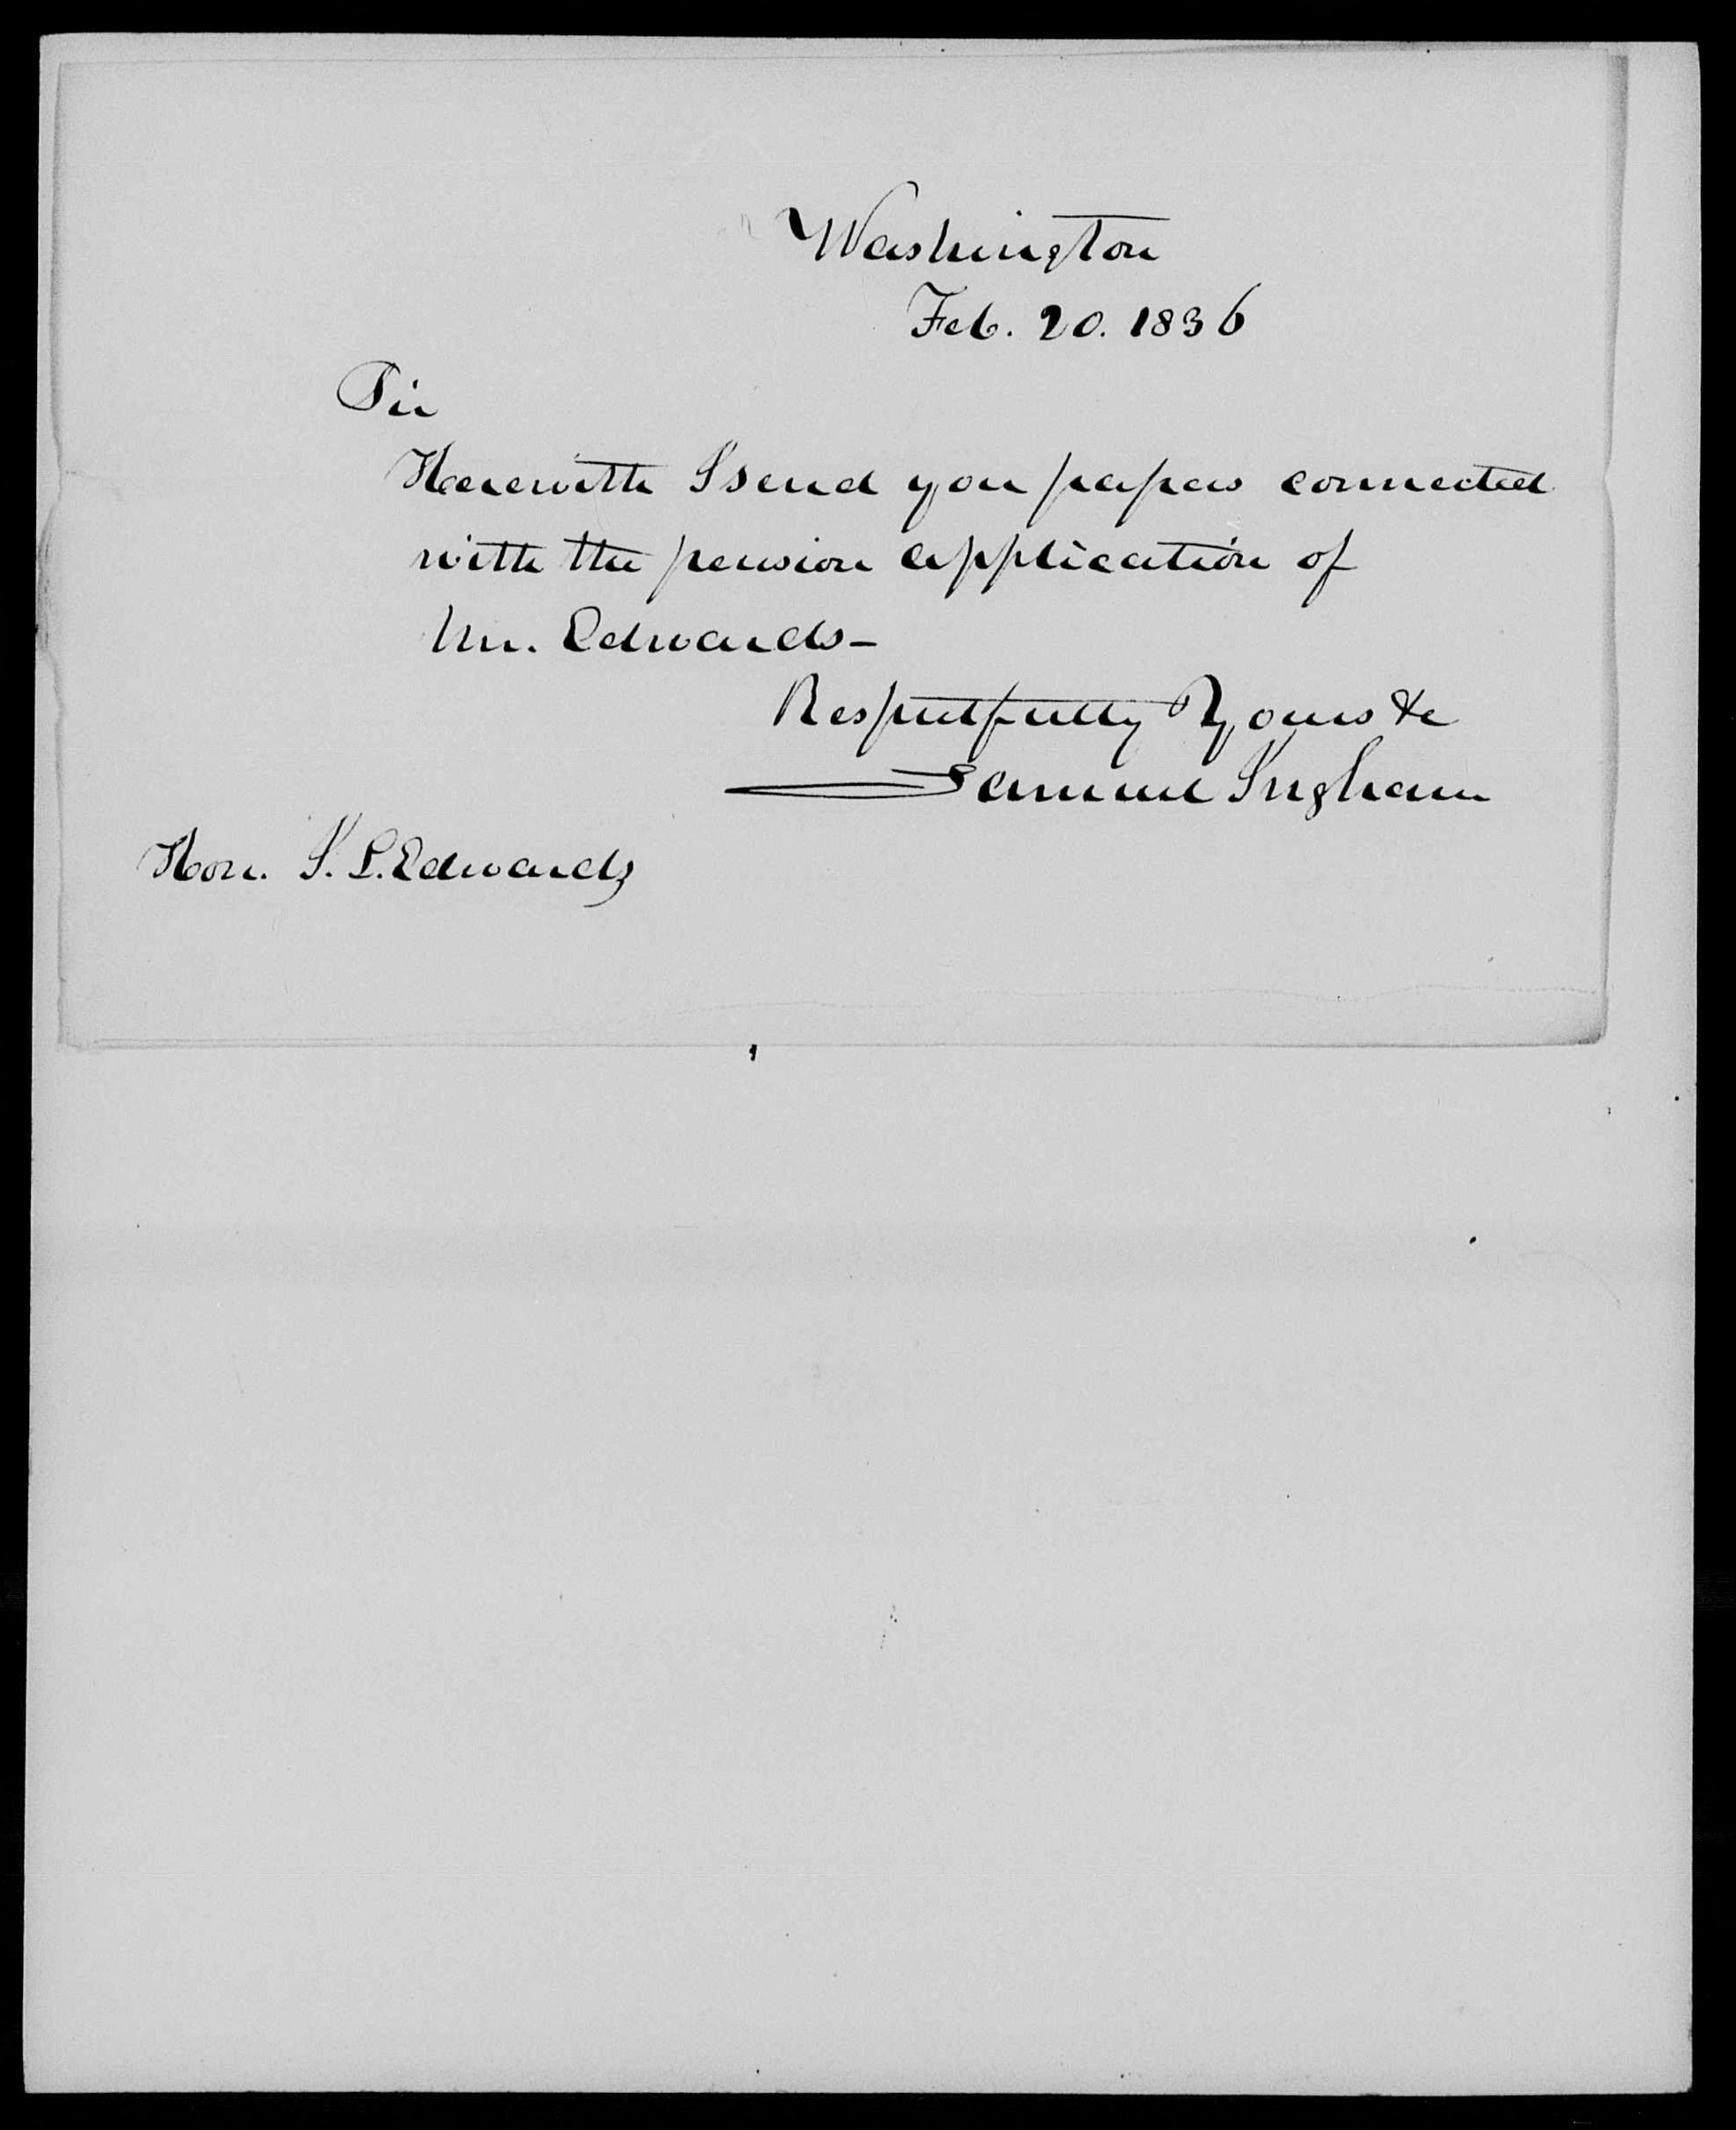Washington
Feb. 20, 1836

Sir
Herewith I send you papers corrected with the pension application of Mr. Edwards.

Respectfully yours the
Samuel Ingham

Hon. J.L. Edwards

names: Edwards, Samuel Ingham, J L Edwards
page: 18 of 50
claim: survivor's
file: S 10607, Jabez Edwards, Conn.